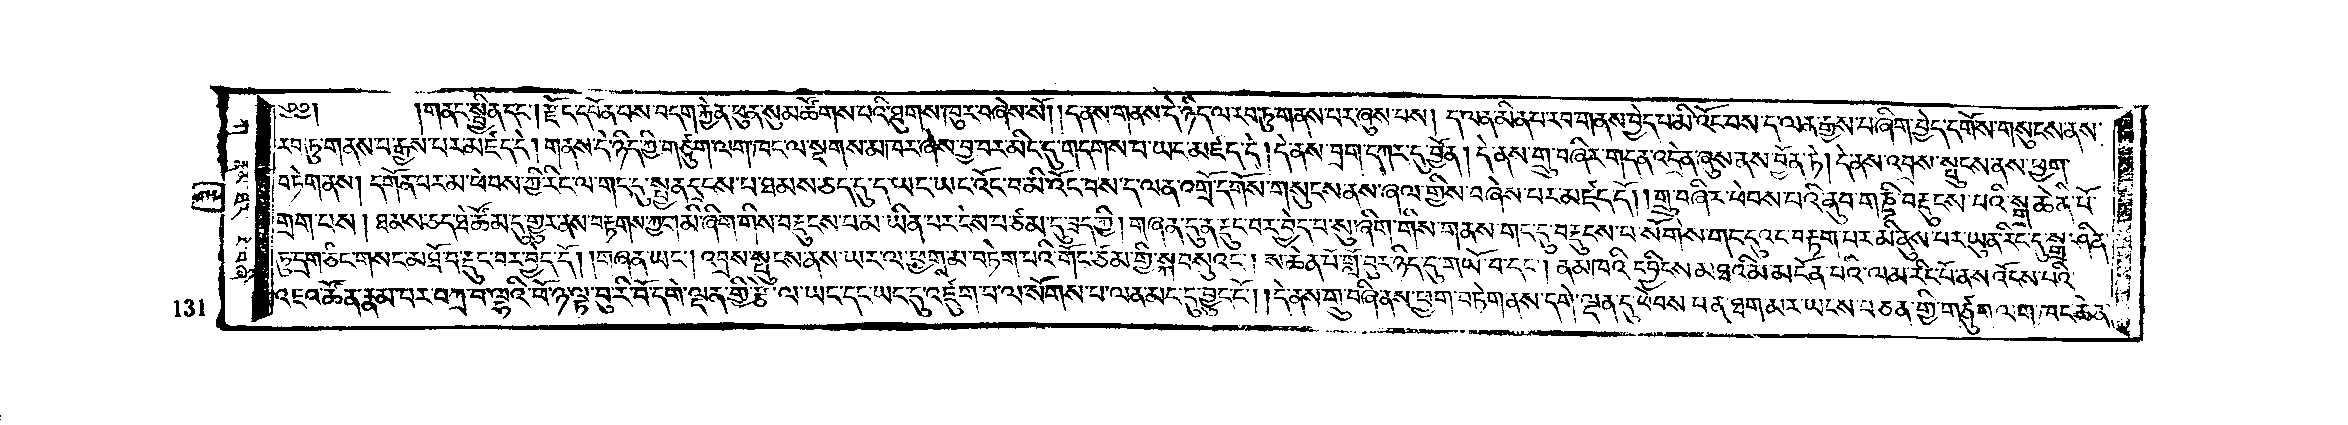༄༅། །གནང་སྦྱིན་དང་། རྫོང་དཔོན་པས་བདག་རྐྱེན་ཕུན་སུམ་ཚོགས་པའི་ཐུགས་ཁུར་བཞེས་སོ། །ད་ནས་གནས་དེ་ཉིད་ལ་རབ་ཏུ་གནས་པར་ཞུས་པས། ད་ལན་མིན་པ་རབ་གནས་བྱེད་པ་མི་འོང་བས་ད་ལན་རྒྱས་པ་ཞིག་བྱེད་དགོས་གསུངས་ནས་
རབ་ཏུ་གནས་པ་རྒྱས་པར་མཛད་དེ། གནས་དེ་ཉིད་ཀྱི་གཙུག་ལག་ཁང་ལ་སྔགས་མཁར་ཞེས་བྱ་བར་མིང་དུ་གདགས་པ་ཡང་མཛད་དེ། དེ་ནས་བྲག་དཀར་དུ་བྱོན། དེ་ནས་གྲུ་བཞིར་གདན་འདྲེན་ཞུས་ནས་བྱོན་ཏེ། དེ་ནས་འབྲས་སྤུངས་ནས་ཕྱགས་
བཏེག་ནས། དགོན་པར་མ་ཕེབས་ཀྱི་རིང་ལ་གང་དུ་སྤྱན་དྲངས་པ་ཐམས་ཅད་དུ་ད་ཡང་ཡང་འོང་བ་མི་འོང་བས་ད་ལན་འགྲོ་དགོས་གསུངས་ནས་ཞལ་གྱིས་བཞེས་པར་མཛད་དོ། །གྲུ་བཞིར་ཕེབས་པའི་ནུབ་གཎྜི་བརྡུངས་པའི་སྒྲ་ཆེན་པོ་
གྲག་པས། ཐམས་ཅད་ཐེ་ཚོམ་དུ་གྱུར་ནས་བརྟགས་ཀྱང་། མི་ཞིག་གིས་བརྡུངས་པ་མ་ཡིན་པར་ངེས་པ་ཙམ་དུ་ཟད་ཀྱི། གཞན་དུ་ན་རྡུང་བར་བྱེད་པ་སུ་ཞིག་གིས་གནས་གང་དུ་བརྡུངས་པ་སོགས་གང་དུའང་བརྟག་པར་མི་ནུས་པར་ཡུན་རིང་དུ་སྒྲ་ཤིན་
ཏུ་དྲག་ཅིང་གསང་མཐོ་བ་རྡུང་བར་བྱེད་དོ། །གཞན་ཡང་། འབྲས་སྤུངས་ནས་ཡར་ལ་ཕྱགས་མ་བཏེག་པའི་གོང་ཙམ་གྱི་སྐབས་སུའང་། ས་ཆེན་པོ་གློ་བུར་ཉིད་དུ་གཡོ་བ་དང་། ནམ་མཁའི་དབྱིངས་མཐའ་མི་མངོན་པའི་ལམ་རིང་པོ་ནས་འོངས་པའི་
འཇའ་ཚོན་རྣམ་པར་བཀྲ་བ་ལྷའི་ཕོ་ཉ་ལྟ་བུ་རི་བོ་དགེ་ལྡན་གྱི་རྩེ་ལ་ཡང་དང་ཡང་དུ་འཛུག་པ་ལ་སོགས་པ་ལན་མང་དུ་བྱུང་ངོ། །དེ་ནས་གྲུ་བཞི་ནས་ཕྱག་བཏེག་ནས་དགེ་ལྡན་དུ་ཕེབས་པ་ན་ཐག་མར་ཡངས་པ་ཅན་གྱི་གཙུག་ལག་ཁང་ཆེན་